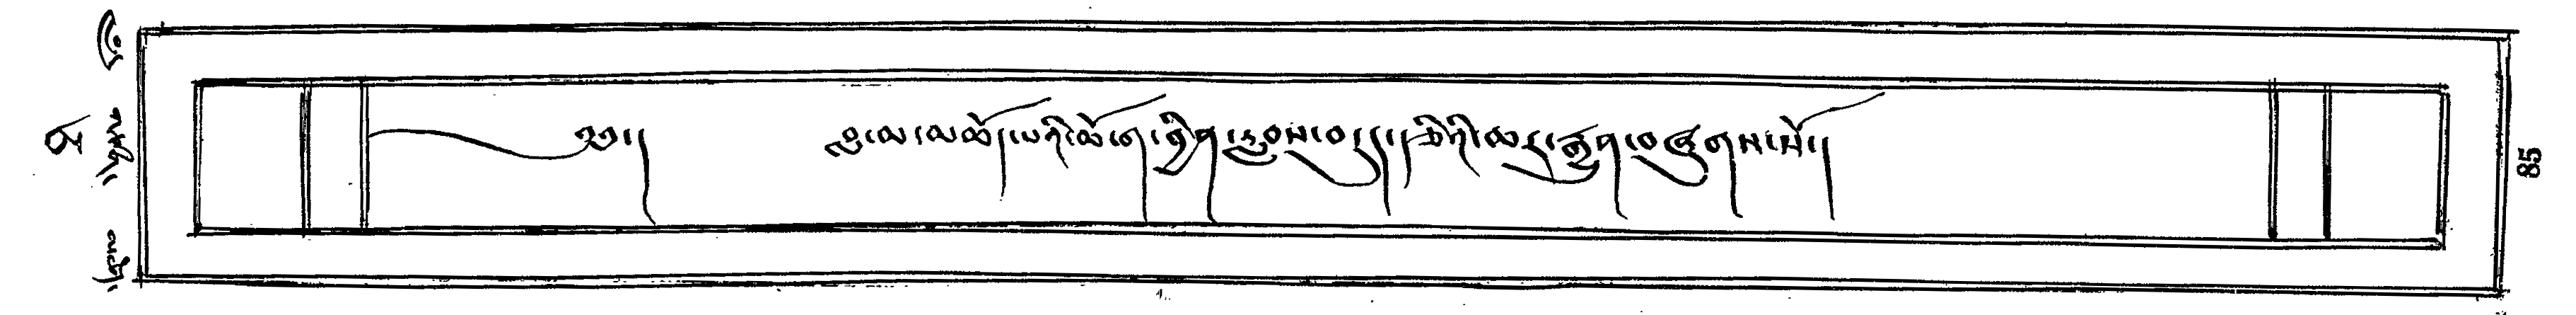༄༅། བླ་མ་མཆོད་པའི་ཆོ་ག་བྱིན་རླབས་བདུད་རྩིའི་ཆར་རྒྱུན་བཞུགས་སོ།